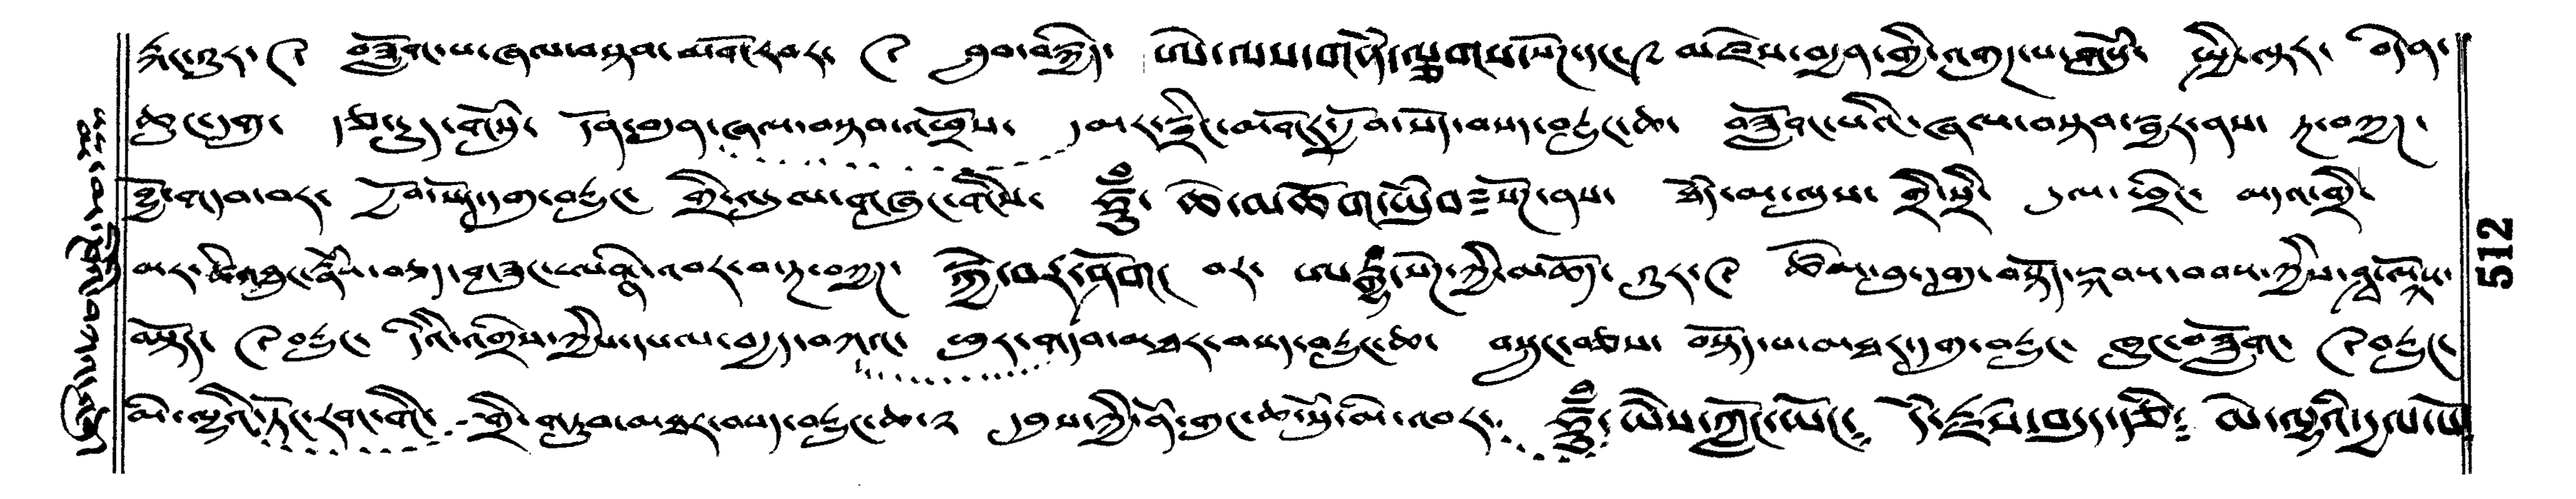( རྐང་འུར་དགུ ) བཟློག་པ་ཞལ་བསྟབ་འགོང་བར། ( དགུ ) བྲུབ་བསྐྱེད། ཨེ་ལས་གནམ་ལྕགས༴ སོགས་དང་། ( དགུ ) མཛེས་བརྒྱན་གྱི་འགུགས་པ་གསུམ། སྤྱི་ལྟར་བདེན་
ཆུག་དགུ རྩ་རྒྱུད་གསུམ། ( དོན་བདུན་ ) ཞལ་བསྟབ་འཕྲོ་བཟློག་པའི་ཞལ་བསྟབ་སྦྱར་ནས། ( རྔ་བཀྱགས་ ) 
བྷྱོ་གདབ་བར། ( རྒྱོབ་སོད་དགུ་བརྡུང་། ) གྲི་འདུལ་གཞུང་གིས། ཧཱུྃ། ཆེ་མཆོག་ཡབ་ཡུམ༴ སོགས་ནས། ཐམས་ཅད་མ་ལུས། གྲི་སྲི། དུལ་ཕྲེང་། མདའ་གྲི 
( མར་ཚིག་ཐུང་རྣམས་བཅད་གཟུང་ཨནྣེ་འབར་བ་རྔ་བཀྱགས། ) སྐྱེ་བར་ཤོག བར། ཨརྒྷཾ༴ སོགས་ཀྱི་མཆོད། ( འུར་དགུ ) ཚོམ་བུ་དགུ་བསྟོད། སྐབས་བབས་ཀྱི་ཤྭ་ལོ་ཀས་ ( གཉིས་ ) 
བསྟོད། ( དགུ་བརྡུང་། ) དེའི་འགྲེས་ཀྱིས་དཔལ་བརྒྱད་བཀའ་སྲུང་བཅས། ( བསྟོད་པ་མཐར་དགུ་བརྡུང་། ) ཁྱུང་བཟློག ( དགུ་བརྡུང་། ) 
མེ་ལྷའི་གཏང་རག་གི ཧཱུྃ། ཡེ་ཤེས་ཀློང་ཡངས༴ དམ་རྫས་བདུད་རྩི༴ མེ་ལྷའི་རྒྱལ་པོ་